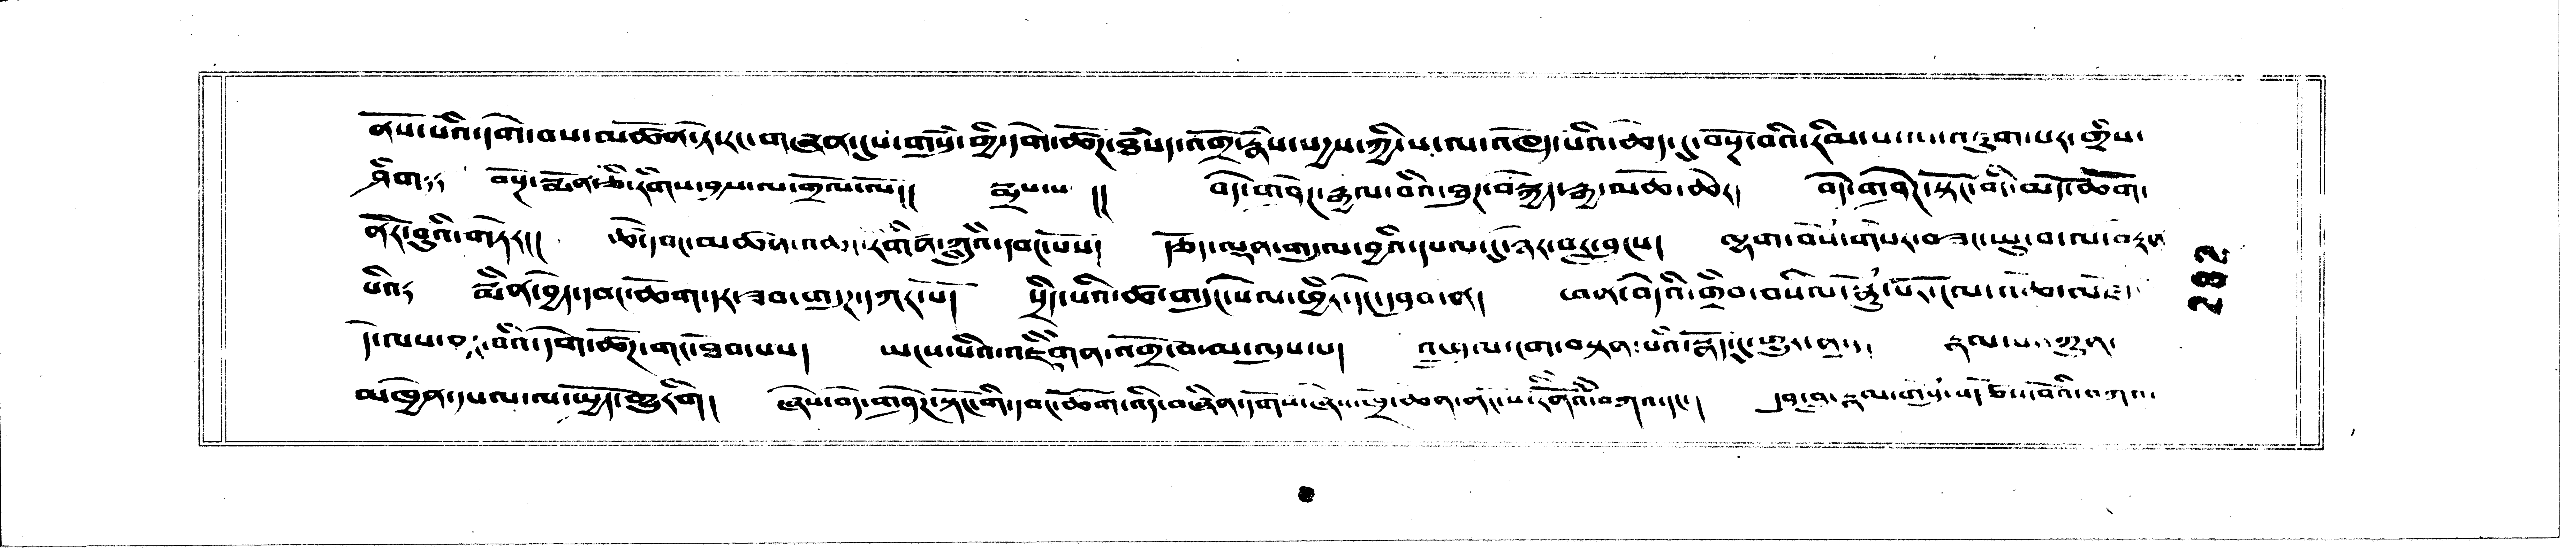ནོས་པའི་དགེ་བས་མཚོན་ཏེ་རང་གཞན་དུས་གསུམ་གྱི་དགེ་ཚོགས་ཐམས་ཅད་འགྲོ་རྣམས་སངས་རྒྱས་ཀྱི་ས་ལ་འཁོད་པའི་ཆེད་དུ་བསྔོ་བའི་རིམ་པ་ལ་འཇུག་པར་གྱིས་
ཤིག། བསྔོ་སྨོན་ཅི་རིགས་བྱས་ལ་གྲོལ་ལོ། སྨྲས་པ། བདེར་གཤེགས་རྒྱལ་བའི་ཐུགས་བཅུད་རྒྱ་མཚོ་ཆེར། བདེར་གཤེགས་སྟོང་གི་མདོ་ཆོག་
ནོར་བུའི་གཏེར། ཚེ་དབང་མཚན་འཆང་རིག་འཛིན་ཀླུའི་དབང་པོ། རྩོད་ལྡན་གདུལ་བྱའི་དཔལ་དུ་ཉེ་བར་བླངས། ལྷག་བསམ་གསེར་བཟང་ཡུ་བ་ལ་བརྟེན་
པའི། སྨིན་བྱེད་དབང་ཆོག་དར་ཟབ་གདུགས་དཀར་པོ། སྲིད་པའི་ཚ་གདུང་སེལ་ཕྱིར་དེང་དབུབ་ན། ཕན་བདེའི་གྲིལ་བསིལ་སྣུམ་པོར་ངལ་འཚོ་མཛོད། 
དེ་ལས་བྱུང་བའི་དགེ་ཚོགས་གང་ཐོབ་པ། ཡངས་པའི་འཇིག་རྟེན་འགྲོ་བ་མ་ལུས་པ། འཕྲུལ་ངག་བསྟན་པའི་སྣོད་དུ་གྱུར་ནས་སུ། རྣམ་པ་ཀུན་
མཁྱེན་དཔལ་ལ་སྤྱོད་གྱུར་ཅིག། ཞེས་བདེར་གཤེགས་སྟོང་གི་དབང་ཆོག་འདི་བཞིན་དགོས་ཞེས་ཁྲི་ཆེན་གོང་མ་རིན་པོ་ཆེའི་བཀའ་དང་། དབུ་བླ་རྣམ་གསུམ་གཙོས་པའི་བཀའ་